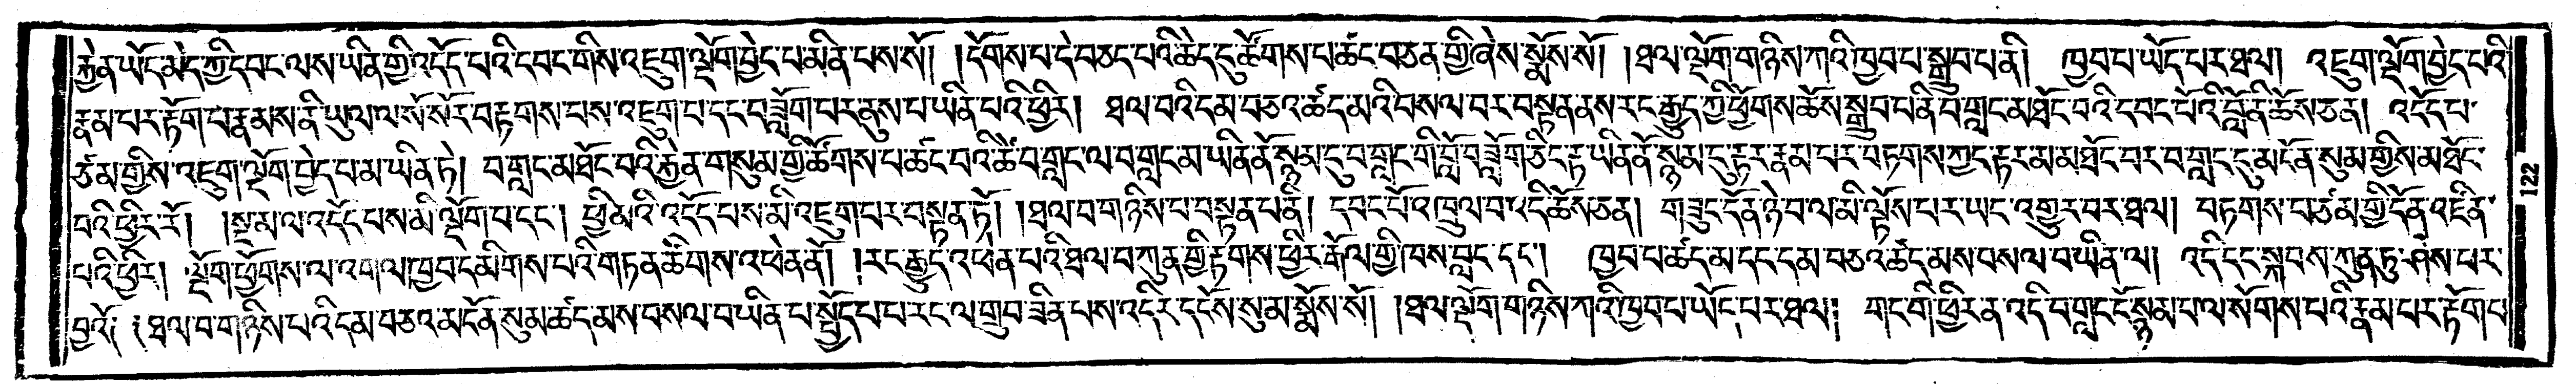རྐྱེན་ཡོད་མེད་ཀྱི་དབང་ལས་ཡིན་གྱི་འདོད་པའི་དབང་གིས་འཇུག་ལྡོག་བྱེད་པ་མིན་པས་སོ། །དོགས་པ་དེ་བཅད་པའི་ཆེད་དུ་ཚོགས་པ་ཚང་བ་ཅན་གྱི་ཞེས་སྨོས་སོ། །ཐལ་ལྡོག་གཉིས་ཀའི་ཁྱབ་པ་སྒྲུབ་པ་ནི། ཁྱབ་པ་ཡོད་པར་ཐལ། འཇུག་ལྡོག་བྱེད་པའི་
རྣམ་པར་རྟོག་པ་རྣམས་ནི་ཡུལ་ལ་སོ་སོར་བརྟགས་པས་འཇུག་པ་དང་བཟློག་པར་ནུས་པ་ཡིན་པའི་ཕྱིར། ཐལ་བའི་དམ་བཅའ་ཚད་མའི་བསལ་བར་བསྟན་ནས་རང་རྒྱུད་ཀྱི་ཕྱོགས་ཆོས་སྒྲུབ་པ་ནི་བ་གླང་མཐོང་བའི་དབང་པོའི་བློ་ནི་ཆོས་ཅན། འདོད་པ་
ཙམ་གྱིས་འཇུག་ལྡོག་བྱེད་པ་མ་ཡིན་ཏེ། བ་གླང་མཐོང་བའི་རྐྱེན་གསུམ་གྱི་ཚོགས་པ་ཚང་བའི་ཚེ་བ་གླང་ལ་བ་གླང་མ་ཡིན་ནོ་སྙམ་དུ་བ་གླང་གི་བློ་བཟློག་ཅིང་རྟ་ཡིན་ནོ་སྙམ་དུ་རྟར་རྣམ་པར་བཏགས་ཀྱང་རྟར་མ་མཐོང་བར་བ་གླང་དུ་མངོན་སུམ་གྱིས་མཐོང་
བའི་ཕྱིར་རོ། །སྔ་མ་ལ་འདོད་པས་མི་ལྡོག་པ་དང་། ཕྱི་མའི་འདོད་པས་མི་འཇུག་པར་བསྟན་ཏོ། །ཐལ་བ་གཉིས་པ་བསྟན་པ་ནི། དབང་པོ་འཁྲུལ་བ་འདི་ཆོས་ཅན། གཟུང་དོན་ཉེ་བ་ལ་མི་ལྟོས་པར་ཡང་འགྱུར་བར་ཐལ། བཏགས་པ་ཙམ་གྱི་དོན་འཛིན་
པའི་ཕྱིར། ལྡོག་ཕྱོགས་ལ་འགལ་ཁྱབ་དམིགས་པའི་གཏན་ཚིགས་འཕེན་ནོ། །རང་རྒྱུད་འཕེན་པའི་ཐལ་བ་ཀུན་གྱི་རྟགས་ཕྱིར་རྒོལ་གྱི་ཁས་བླང་དང་། ཁྱབ་པ་ཚད་མ་དང་དམ་བཅའ་ཚད་མས་བསལ་བ་ཡིན་ལ། འདི་དང་སྐབས་ཀུན་ཏུ་ཤེས་པར་
བྱའོ། །ཐལ་བ་གཉིས་པའི་དམ་བཅའ་མངོན་སུམ་ཚད་མས་བསལ་བ་ཡིན་པ་སྤྱོད་པ་པ་རང་ལ་གྲུབ་ཟིན་པས་འདིར་དངོས་སུམ་སྨོས་སོ། །ཐལ་ལྡོག་གཉིས་ཀའི་ཁྱབ་པ་ཡོད་པར་ཐལ། གང་གི་ཕྱིར་ན་འདི་བ་གླང་ངོ་སྙམ་པ་ལ་སོགས་པའི་རྣམ་པར་རྟོག་པ་